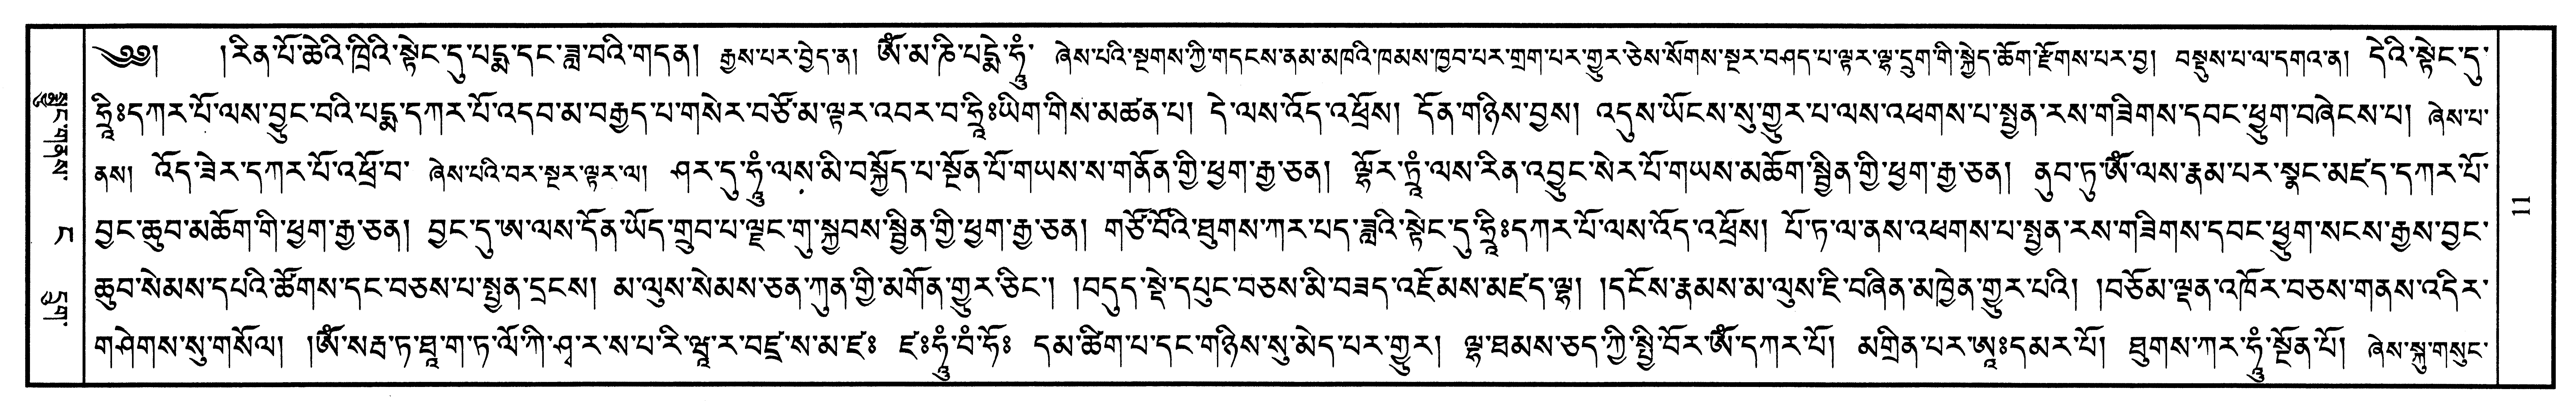༄༅། །རིན་པོ་ཆེའི་ཁྲིའི་སྟེང་དུ་པདམ་དང་ཟླ་བའི་གདན། རྒྱས་པར་བྱེད་ན། ཨོཾ་མ་ཎི་པདམེ་ཧཱུཾ་ཞེས་པའི་སྔགས་ཀྱི་གདངས་ནམ་མཁའི་ཁམས་ཁྱབ་པར་གྲག་པར་གྱུར་ཅེས་སོགས་སྔར་བཤད་པ་ལྟར་ལྷ་དྲུག་གི་སྐྱེད་ཆོག་རྫོགས་པར་བྱ། བསྡུས་པ་ལ་དགའ་ན། དེའི་སྟེང་དུ་
ཧྲཱིཿ དཀར་པོ་ལས་བྱུང་བའི་པདམ་དཀར་པོ་འདབ་མ་བརྒྱད་པ་གསེར་བཙོ་མ་ལྟར་འབར་བ་ཧྲཱིཿ ཡིག་གིས་མཚན་པ། དེ་ལས་འོད་འཕྲོས། དོན་གཉིས་བྱས། འདུས་ཡོངས་སུ་གྱུར་པ་ལས་འཕགས་པ་སྤྱན་རས་གཟིགས་དབང་ཕྱུག་བཞེངས་པ། ཞེས་པ་
ནས། འོད་ཟེར་དཀར་པོ་འཕྲོ་བ་ཞེས་པའི་བར་སྔར་ལྟར་ལ། ཤར་དུ་ཧཱུཾ་ལས་མི་བསྐྱོད་པ་སྔོན་པོ་གཡས་ས་གནོན་གྱི་ཕྱག་རྒྱ་ཅན། ལྷོར་ཏྲཱཾ་ལས་རིན་འབྱུང་སེར་པོ་གཡས་མཆོག་སྦྱིན་གྱི་ཕྱག་རྒྱ་ཅན། ནུབ་ཏུ་ཨོཾ་ལས་རྣམ་པར་སྣང་མཛད་དཀར་པོ་
བྱང་ཆུབ་མཆོག་གི་ཕྱག་རྒྱ་ཅན། བྱང་དུ་ཨ་ལས་དོན་ཡོད་གྲུབ་པ་ལྗང་གུ་སྐྱབས་སྦྱིན་གྱི་ཕྱག་རྒྱ་ཅན། གཙོ་བོའི་ཐུགས་ཀར་པད་ཟླའི་སྟེང་དུ་ཧྲཱིཿ དཀར་པོ་ལས་འོད་འཕྲོས། པོ་ཏ་ལ་ནས་འཕགས་པ་སྤྱན་རས་གཟིགས་དབང་ཕྱུག་སངས་རྒྱས་བྱང་
ཆུབ་སེམས་དཔའི་ཚོགས་དང་བཅས་པ་སྤྱན་དྲངས། མ་ལུས་སེམས་ཅན་ཀུན་གྱི་མགོན་གྱུར་ཅིང་། །བདུད་སྡེ་དཔུང་བཅས་མི་བཟད་འཇོམས་མཛད་ལྷ། །དངོས་རྣམས་མ་ལུས་ཇི་བཞིན་མཁྱེན་གྱུར་པའི། །བཅོམ་ལྡན་འཁོར་བཅས་གནས་འདིར་
གཤེགས་སུ་གསོལ། །ཨོཾ་སརྦ་ཏ་ཐཱ་ག་ཏ་ལོ་ཀི་ཤྭ་ར་ས་པ་རི་ཝཱ་ར་བཛྲ་ས་མ་ཛཿ ཛཿ ཧཱུཾ་བཾ་ཧོཿ དམ་ཚིག་པ་དང་གཉིས་སུ་མེད་པར་གྱུར། ལྷ་ཐམས་ཅད་ཀྱི་སྤྱི་བོར་ཨོཾ་དཀར་པོ། མགྲིན་པར་ཨཱཿ དམར་པོ། ཐུགས་ཀར་ཧཱུཾ་སྔོན་པོ། ཞེས་སྐུ་གསུང་